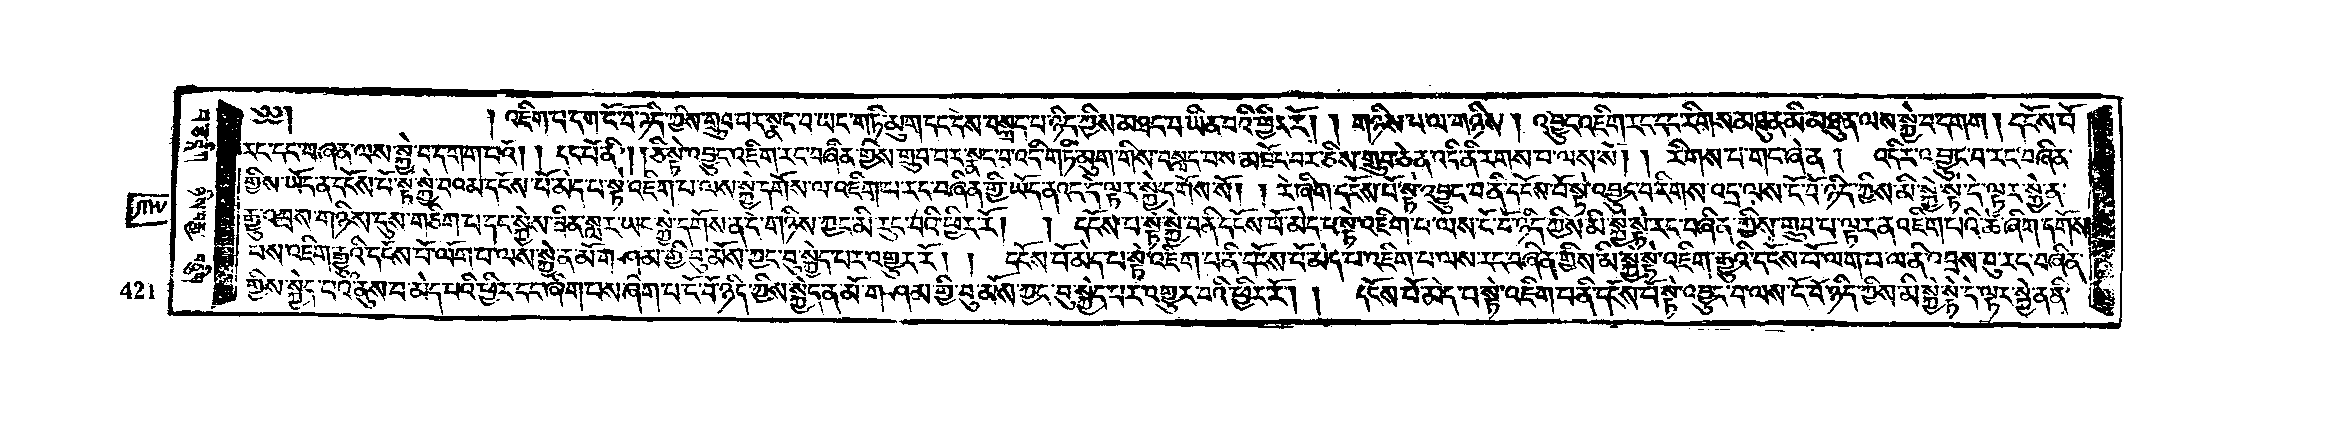༄༅། །འཇིག་པ་དག་ངོ་བོ་ཉིད་ཀྱིས་གྲུབ་པར་སྣང་བ་ཡང་གཏི་མུག་དང་དེས་བསྐྲད་པ་ཉིད་ཀྱིས་མཐོང་བ་ཡིན་པའི་ཕྱིར་རོ། །གཉིས་པ་ལ་གཉིས། འབྱུང་འཇིག་རང་དང་རིགས་མཐུན་མི་མཐུན་ལས་སྐྱེ་བ་དགག། དངོས་པོ་
རང་དང་གཞན་ལས་སྐྱེ་བ་དགག་པའོ། །དང་པོ་ནི། །ཅི་སྟེ་འབྱུང་འཇིག་རང་བཞིན་གྱིས་གྲུབ་པར་སྣང་བ་འདི་གཏི་མུག་གིས་བསླད་པས་མཐོང་བར་ཅིས་གྲུབ་ཅེན་འདི་ནི་རགས་པ་ལས་སོ། །རིགས་པ་གང་ཞེ་ན། འདིར་འབྱུང་བ་རང་བཞིན་
གྱིས་ཡོད་ན་དངོས་པོ་སྟེ་སྐྱེ་བའམ་དངོས་པོ་མེད་པ་སྟེ་འཇིག་པ་ལས་སྐྱེ་དགོས་ལ་འཇིག་པ་རང་བཞིན་གྱི་ཡོད་ནའང་དེ་ལྟར་སྐྱེ་དགོས་སོ། །རེ་ཞིག་དངོས་པོ་སྟེ་འབྱུང་བ་ནི་དངོས་པོ་སྟེ་འབྱུང་བ་རིགས་འདྲ་ལས་ངོ་བོ་ཉིད་ཀྱིས་མི་སྐྱེ་སྟེ་དེ་ལྟར་སྐྱེ་ན་
རྒྱུ་འབྲས་གཉིས་དུས་གཅིག་པ་དང་སྐྱེས་ཟིན་སླར་ཡང་སྐྱེ་དགོས་ན་དེ་གཉིས་ཀྱང་མི་རུང་བའི་ཕྱིར་རོ། །དངོས་པོ་སྟེ་སྐྱེ་བ་ནི་དངོས་པོ་མེད་པ་སྟེ་འཇིག་པ་ལས་ངོ་བོ་ཉིད་ཀྱིས་མི་སྐྱེ་སྟེ་རང་བཞིན་གྱིས་གྲུབ་པ་ལྟར་ན་འཇིག་པའི་ཚེ་ཞིག་དགོས་
པས་འཇིག་རྒྱུའི་དངོས་པོ་ལོག་པ་ལས་སྐྱེ་ན་མོ་གཤམ་གྱི་བུ་མོས་ཀྱང་བུ་སྐྱེད་པར་འགྱུར་རོ། །དངོས་པོ་མེད་པ་སྟེ་འཇིག་པ་ནི་དངོས་པོ་མེད་པ་འཇིག་པ་ལས་རང་བཞིན་གྱིས་མི་སྐྱེ་སྟེ་འཇིག་རྒྱུའི་དངོས་པོ་ལག་པ་ལ་ནི་འབྲས་བུ་རང་བཞིན་
གྱིས་སྐྱེད་པའི་ནུས་པ་མེད་པའི་ཕྱིར་དང་ཞིག་པས་ཞིག་པ་ངོ་བོ་ཉིད་ཀྱིས་སྐྱེད་ན་མོ་གཤམ་གྱི་བུ་མོས་ཀྱང་བུ་སྐྱེད་པར་འགྱུར་བའི་ཕྱིར་རོ། །དངོས་པོ་མེད་པ་སྟེ་འཇིག་པ་ནི་དངོས་པོ་སྟེ་འབྱུང་བ་ལས་ངོ་བོ་ཉིད་ཀྱིས་མི་སྐྱེ་སྟེ་དེ་ལྟར་སྐྱེ་ན་ནི་